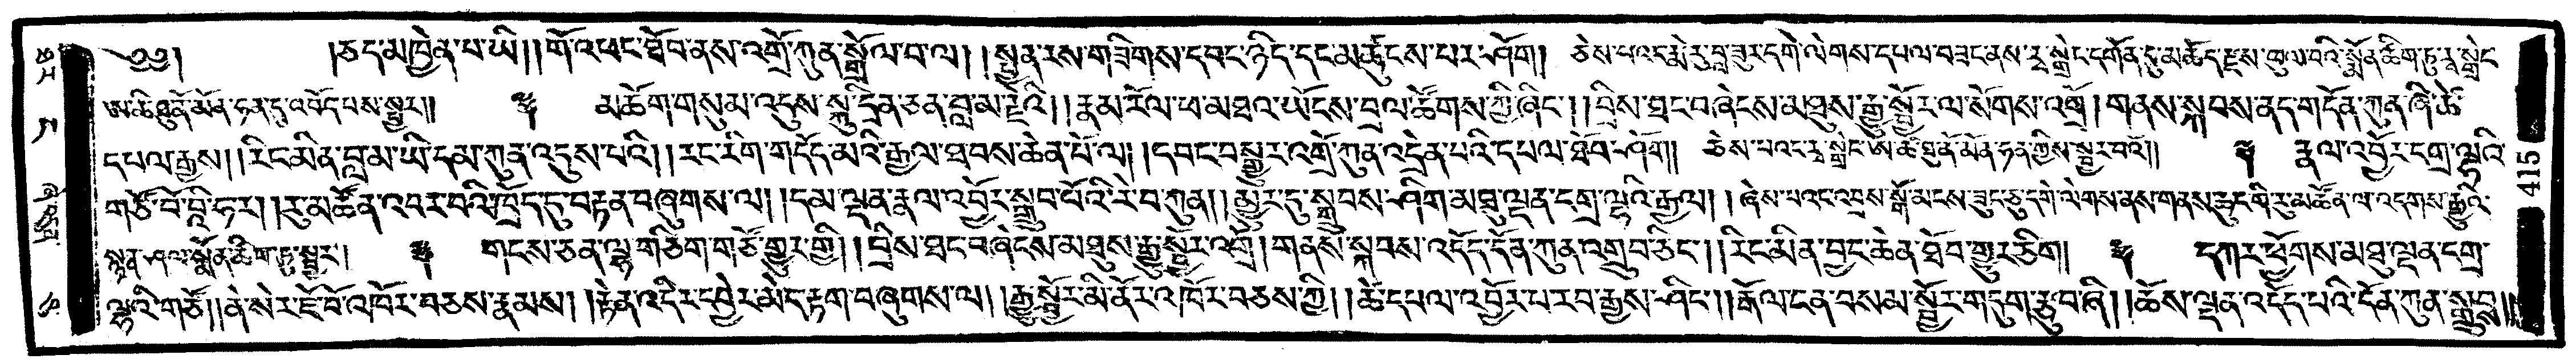༄༅། །ཅད་མཁྱེན་པ་ཡི། །གོ་འཕང་ཐོབ་ནས་འགྲོ་ཀུན་སྒྲོལ་བ་ལ། །སྤྱན་རས་གཟིགས་དབང་ཉིད་དང་མཚུངས་པར་ཤོག །ཅེས་པའང་རྨེ་རུ་བླ་ཟུར་དགེ་ལེགས་དཔལ་བཟང་ནས་རྭ་སྒྲེང་དགོན་དུ་མཆོད་རྫས་ཕུལ་བའི་སྨོན་ཚིག་ཏུ་རྭ་སྒྲེང་
ཨ་ཆི་ཐུ་ནོ་མོན་ཧན་དུ་འབོད་པས་སྦྱར།། ༈ མཆོག་གསུམ་འདུས་སྐུ་དྲིན་ཅན་བླ་མ་རྗེའི། །རྣམ་རོལ་ཕ་མཐའ་ཡོངས་བྲལ་ཚོགས་ཀྱི་ཞིང་། །བྲིས་ཐང་བཞེངས་མཐུས་རྒྱུ་སྦྱོར་ལ་སོགས་འགྲོ་།གནས་སྐབས་ནད་གདོན་ཀུན་ཞི་ཚེ་
དཔལ་རྒྱས། །རིང་མིན་བླ་མ་ཡི་དམ་ཀུན་འདུས་པའི། །རང་རིག་གདོད་མའི་རྒྱལ་ཐབས་ཆེན་པོ་ལ། །དབང་བསྒྱུར་འགྲོ་ཀུན་འདྲེན་པའི་དཔལ་ཐོབ་ཤོག །ཅེས་པའང་རྭ་སྒྲེང་ཨ་ཆི་ཐུ་ནོ་མོན་ཧན་ཀྱིས་སྦྱར་བའོ།། ༈ རྣལ་འབྱོར་དགྲ་ལྷའི་
གཙོ་བོ་བཱི་ཧར། །རུ་མཚོན་འབར་བའི་ཁྲོད་དུ་བརྟན་བཞུགས་ལ། །དམ་ལྡན་རྣལ་འབྱོར་སྒྲུབ་པོའི་རེ་བ་ཀུན། །མྱུར་དུ་སྒྲུབས་ཤིག་མཐུ་ལྡན་དགྲ་ལྷའི་རྒྱལ། །ཞེས་པའང་འབྲས་སྒོ་མངས་ཟུང་ཅུ་དགེ་ལེགས་ནས་གནས་ཆུང་གི་རུ་མཚོན་ལ་འདགས་རྒྱུའི་
སྙན་ཤལ་སྨོན་ཚིག་ཏུ་སྦྱར། ༈ གངས་ཅན་ལྷ་གཅིག་གཙོ་གྱུར་གྱི། །བྲིས་ཐང་བཞེངས་མཐུས་རྒྱུ་སྦྱོར་འགྲོ་།གནས་སྐབས་འདོད་དོན་ཀུན་འགྲུབ་ཅིང་། །རིང་མིན་བྱང་ཆེན་ཐོབ་གྱུར་ཅིག ། ༈ དཀར་ཕྱོགས་མཐུ་ལྡན་དགྲ་
ལྷའི་གཙོ། །ནེ་སེར་ཇོ་བོ་འཁོར་བཅས་རྣམས། །རྟེན་འདིར་དབྱེར་མེད་རྟག་བཞུགས་ལ། །རྒྱུ་སྦྱོར་མི་ནོར་འཁོར་བཅས་ཀྱི། །ཚེ་དཔལ་འབྱོར་པ་རབ་རྒྱས་ཤིང་། །རྒོལ་ངན་བསམ་སྦྱོར་གདུག་རྩུབ་ཞི། །ཆོས་ལྡན་འདོད་པའི་དོན་ཀུན་སྒྲུབས། །